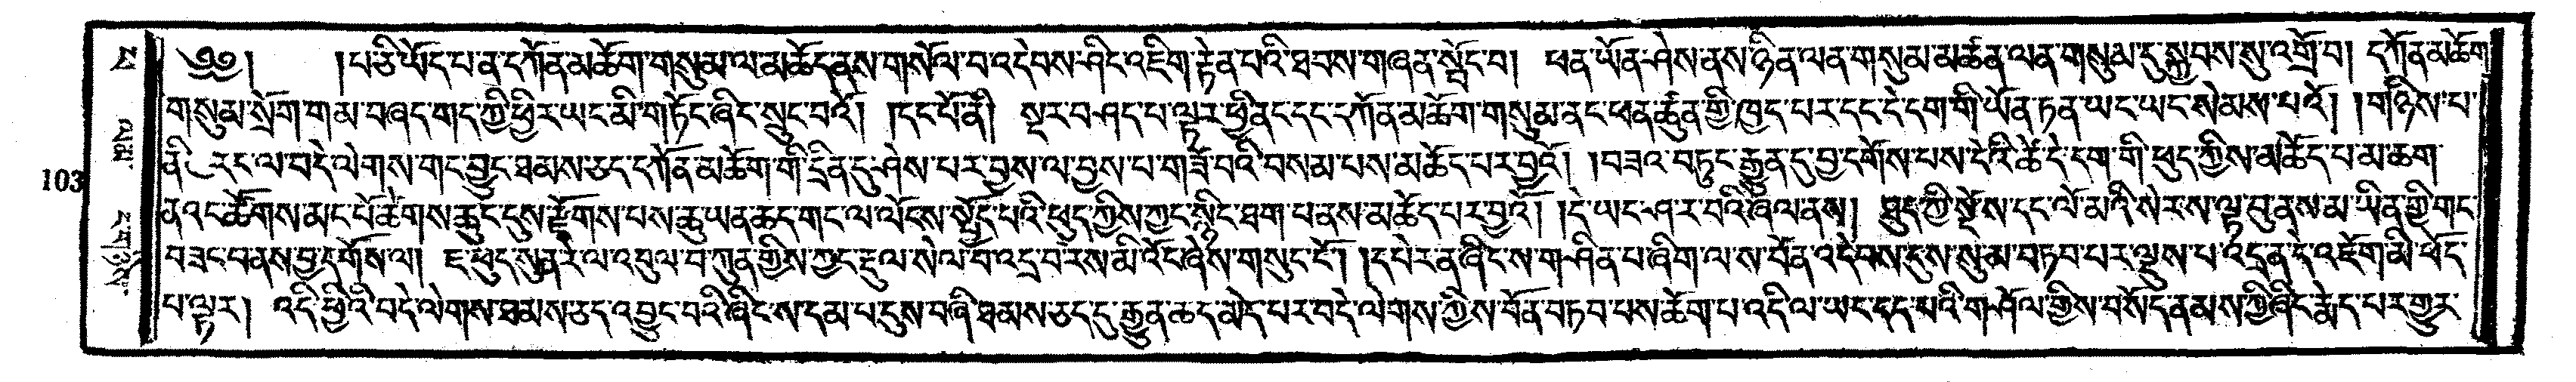༄༅། །པ་ཅི་ཡོད་པ་ན་དཀོན་མཆོག་གསུམ་ལ་མཆོད་ནས་གསོལ་བ་འདེབས་ཤིང་འཇིག་རྟེན་པའི་ཐབས་གཞན་སྦོང་བ། ཕན་ཡོན་ཤེས་ནས་ཉིན་ལན་གསུམ་མཚན་ལན་གསུམ་དུ་སྐྱབས་སུ་འགྲོ་བ། དཀོན་མཆོག་
གསུམ་སྲོག་གམ་བཞད་གད་ཀྱི་ཕྱིར་ཡང་མི་གཏོང་ཞིང་སྲུང་བའོ། །དང་པོ་ནི། སྔར་བཤད་པ་ལྟར་ཕྱི་ནང་དང་དཀོན་མཆོག་གསུམ་ནང་ཕན་ཚུན་གྱི་ཁྱད་པར་དང་དེ་དག་གི་ཡོན་ཏན་ཡང་ཡང་སེམས་པའོ། །གཉིས་པ་
ནི༑ རང་ལ་བདེ་ལེགས་གང་བྱུང་ཐམས་ཅད་དཀོན་མཆོག་གི་དྲིན་དུ་ཤེས་པར་བྱས་ལ་བྱས་པ་གཟོ་བའི་བསམ་པས་མཆོད་པར་བྱའོ། །བཟའ་བཏུང་རྒྱུན་དུ་བྱ་དགོས་པས་དེའི་ཚེ་དེ་དག་གི་ཕུད་ཀྱིས་མཆོད་པ་མ་ཆག་
ནའང་ཚོགས་མང་པོ་ཚེགས་ཆུང་དུས་རྫོགས་པས་ཆུ་ཡན་ཆད་གང་ལ་ལོངས་སྤྱོད་པའི་ཕུད་ཀྱིས་ཀྱང་སྙིང་ཐག་པ་ནས་མཆོད་པར་བྱའོ། །དེ་ཡང་ཤ་ར་བའི་ཞལ་ནས། ཐུད་ཀྱི་སྔོ་ས་དང་ལོ་མའི་སེར་ས་ལྟ་བུ་ནས་མ་ཡིན་གྱི་གང་
བཟང་བ་ནས་བྱ་དགོས་ལ། ཇ་ཕུད་སུན་རེ་ལ་འབུལ་བ་ཀུན་གྱིས་ཀྱང་རྡུལ་སེལ་བ་འདྲ་བ་རས་མི་འོང་ཞེས་གསུང་ངོ། །དཔེར་ན་ཞིང་ས་གཤིན་པ་ཞིག་ལ་ས་བོན་འདེབས་དུས་སུ་མ་བཏབ་པར་ལྡུས་པ་འདྲན་དེ་འཇོག་མི་ཕོད་
པ་ལྟར། འདི་ཕྱིའི་བདེ་ལེགས་ཐམས་ཅད་འབྱུང་བའི་ཞིང་ས་དམ་པ་དུས་བཞི་ཐམས་ཅད་དུ་རྒྱུན་ཆད་མེད་པར་བདེ་ལེགས་ཀི་ས་བོན་བཏབ་པས་ཆོག་པ་འདི་ལ་ཡང་དད་པའི་གཤོལ་གྱིས་བསོད་ནམས་ཀྱི་ཞིང་རྨེད་པར་གྱུར་